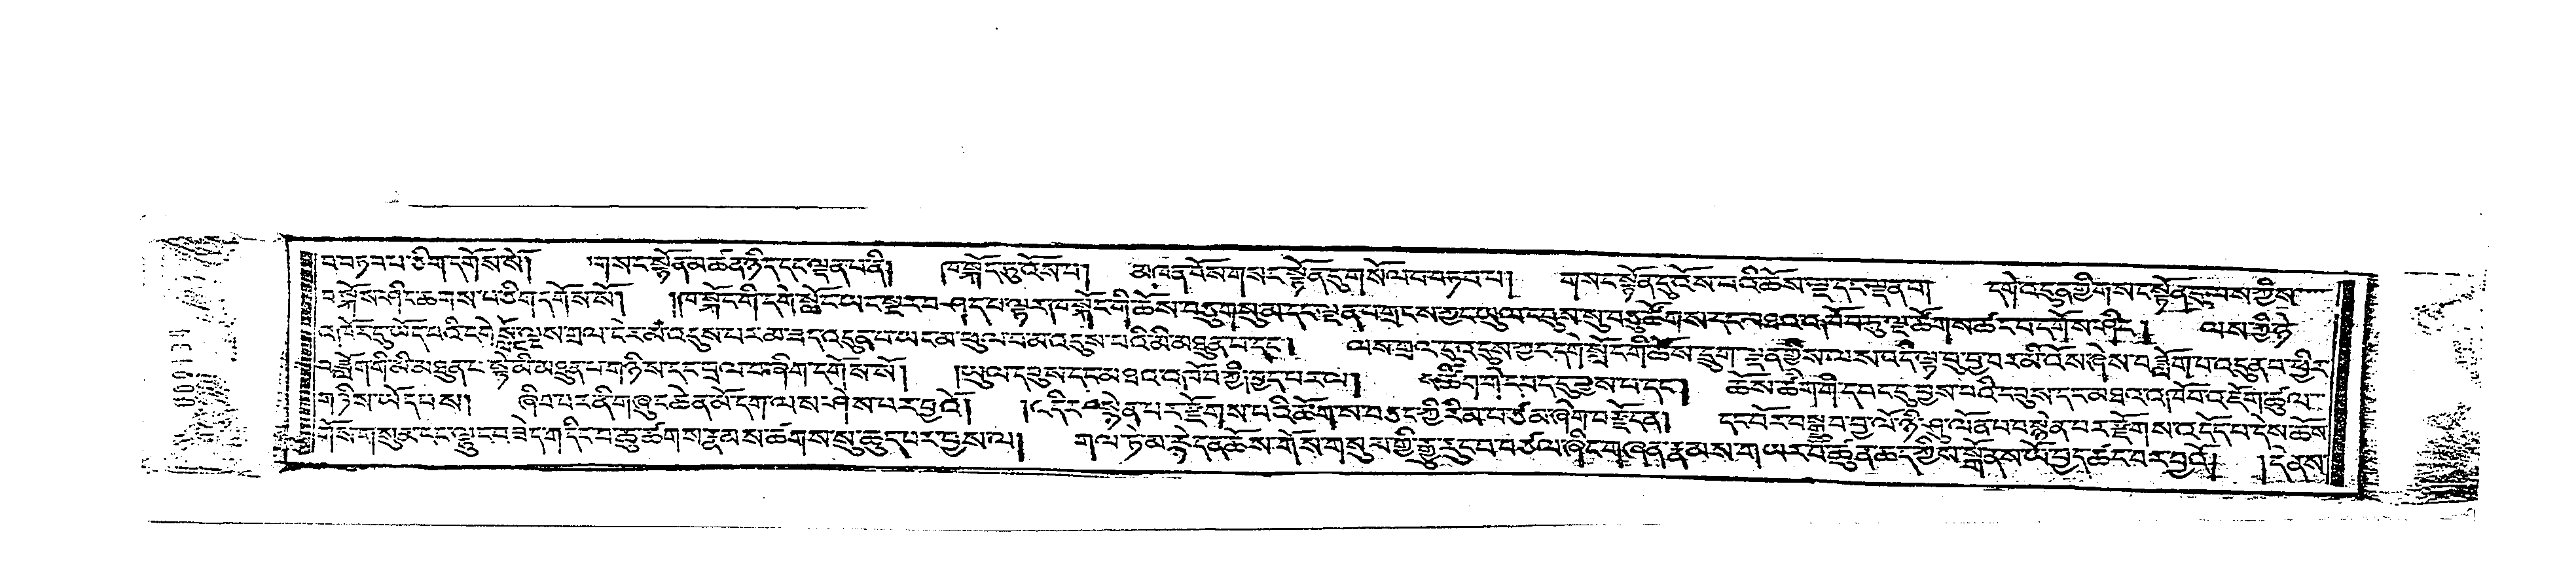བ་བཏབ་པ་ཅིག་དགོས་སོ། །གསང་སྟོན་མཚན་ཉིད་དང་ལྡན་པ་ནི། ཁ་སྐོང་ཏུ་འོས་པ། མཁན་པོས་གསང་སྟོན་དུ་གསོལ་བ་བཏབ་པ། གསང་སྟོན་དུ་འོས་པའི་ཆོས་ལྔ་དང་ལྡན་པ། དགེ་འདུན་གྱི་གསང་སྟོན་དུ་ལས་ཀྱིས་
བསྐོས་ཤིང་ཆགས་པ་ཅིག་དགོས་སོ། །ཁ་སྐོང་གི་དགེ་སློང་ཡང་སྔར་བཤད་པ་ལྟར་ཁ་སྐོང་གི་ཆོས་བཅུ་གསུམ་དང་ལྡན་པ་གྲངས་ཀྱང་ཡུལ་དབུས་སུ་བཅུ་ཚོགས་དང་མཐའ་འཁོབ་ཏུ་ལྔ་ཚོགས་ཚང་བ་དགོས་ཤིང་། ལས་ཀྱི་ཉེ་
འཁོར་དུ་ཡོད་པའི་དགེ་སློང་ལྔས་གྲལ་ངེར་མ་འདུས་པར་མ་ཟད་འདུན་པ་ཡང་མ་ཕུལ་བ་མ་འདུས་པའི་མི་མཐུན་པ་དང་། ལས་གྲལ་དུ་འདུས་ཀྱང་དགེ་སློང་གི་ཆོས་དྲུག་ལྡན་གྱིས་ལས་འདི་ལྟ་བུ་བྱ་བར་མི་འོས་ཞེས་བཟློག་པ་འདུན་པ་ཕྱིར་
བཟློག་གི་མི་མཐུན་པ་སྟེ་མི་མཐུན་པ་གཉིས་དང་བྲལ་བ་ཞིག་དགོས་སོ། །ཡུལ་དབུས་དང་མཐའ་འཁོབ་ཀྱི་ཁྱད་པར་ལ། ས་ཚིག་གི་དབང་དུ་བྱས་པ་དང་། ཆོས་ཚིག་གི་དབང་དུ་བྱས་པའི་དབུས་དང་མཐའ་འཁོབ་འཇོག་ཚུལ་
གཉིས་ཡོད་པས། ཞིབ་པར་ནི་གཞུང་ཆེན་མོ་དག་ལས་ཤེས་པར་བྱའོ། །འདིར་བསྙེན་པར་རྫོགས་པའི་ཆོ་ག་ས་བཅད་ཀྱི་རིམ་པ་ཙམ་ཞིག་བརྗོད་ན། དང་པོར་བསྒྲུབ་བྱ་ལོ་ཉི་ཤུ་ལོན་པ་བསྙེན་པར་རྫོགས་འདོད་པ་དེས་ཆོས་
གོས་གསུམ་དང་ལྷུང་བཟེད་གདིང་བ་ཆུ་ཚགས་རྣམས་ཚགས་སུ་ཆུད་པར་བྱས་ལ། གལ་ཏེ་མ་རྙེད་ན་ཆོས་གོས་གསུམ་གྱི་རྒྱུ་རུང་བ་བཙལ་ཞིང་གཞན་རྣམས་གཡར་བ་ཚུན་ཆད་ཀྱིས་སྒོ་ནས་ཡོ་བྱད་ཚང་བར་བྱའོ། །དེ་ནས་